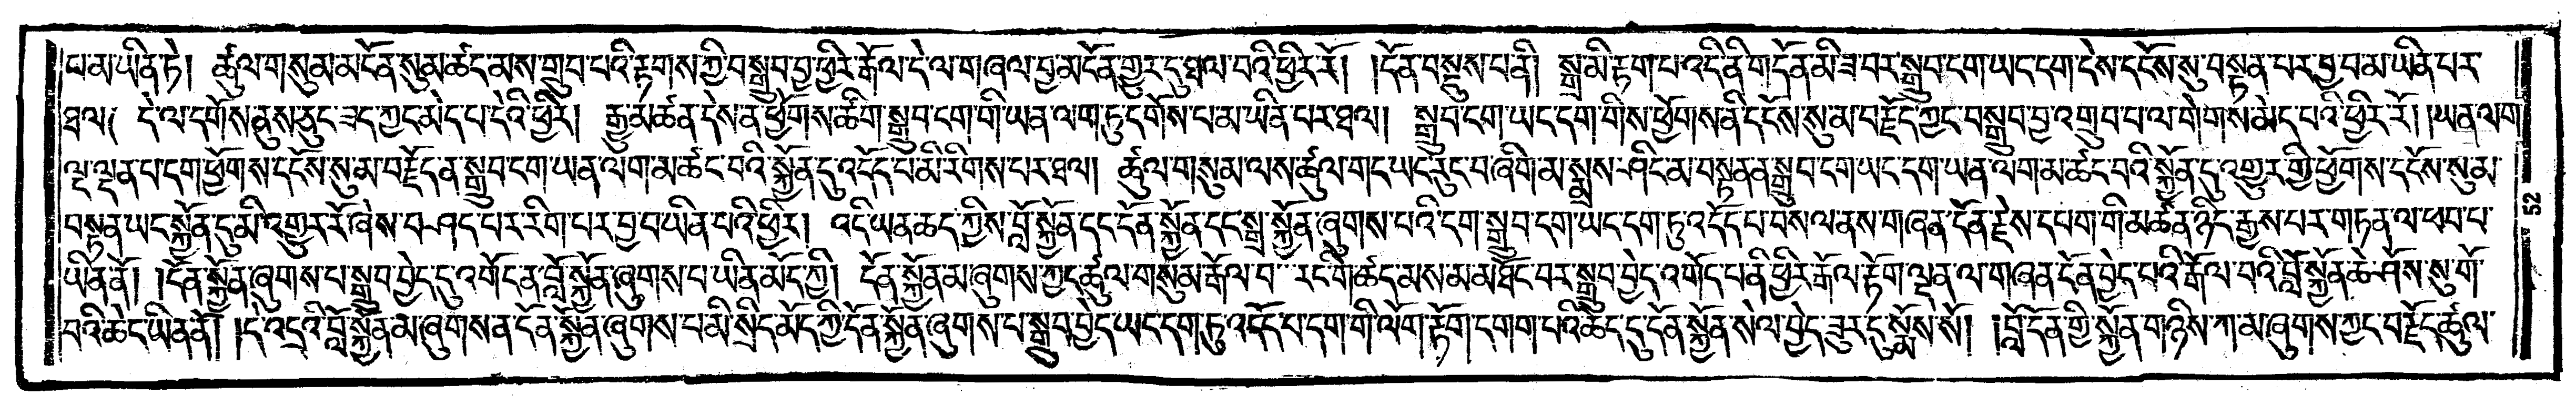པ་མ་ཡིན་ཏེ། ཚུལ་གསུམ་མངོན་སུམ་ཚད་མས་གྲུབ་པའི་རྟགས་ཀྱི་བསྒྲུབ་བྱ་ཕྱིར་རྒོལ་དེ་ལ་གཞལ་བྱ་མངོན་གྱུར་དུ་ཐལ་བའི་ཕྱིར་རོ། །དོན་བསྡུས་པ་ནི། སྒྲ་མི་རྟག་པ་འདི་ནི་གདོན་མི་ཟ་བར་སྒྲུབ་ངག་ཡང་དག་ངེས་དངོས་སུ་བསྟན་པར་བྱ་བ་མ་ཡིན་པར་
ཐལ༑ དེ་ལ་དགོས་ནུས་ཅུང་ཟད་ཀྱང་མེད་པ་དེའི་ཕྱིར། རྒྱུ་མཚན་དེས་ན་ཕྱོགས་ཚིག་སྒྲུབ་ངག་གི་ཡན་ལག་ཏུ་དགོས་པ་མ་ཡིན་པར་ཐལ། སྒྲུབ་ངག་ཡང་དག་གིས་ཕྱོགས་ནི་དངོས་སུམ་བརྗོད་ཀྱང་བསྒྲུབ་བྱ་འགྲུབ་པ་ལ་གེགས་མེད་པའི་ཕྱིར་རོ། །ཡན་ལག་
ལྔ་ལྡན་པ་དག་ཕྱོགས་དངོས་སུམ་བརྗོད་ན་སྒྲུབ་ངག་ཡན་ལག་མ་ཚང་བའི་སྐྱོན་དུ་འདོད་པ་མི་རིགས་པར་ཐལ། ཚུལ་གསུམ་ལས་ཚུལ་གང་ཡང་རུང་བ་ཞིག་མ་སྨྲས་ཤིང་མ་བསྟན་ན་སྒྲུབ་པ་ངག་ཡང་དག་ཡན་ལག་མ་ཚང་བའི་སྐྱོན་དུ་འགྱུར་གྱི་ཕྱོགས་དངོས་སུམ་
བསྟན་ཡང་སྐྱོན་དུ་མི་འགྱུར་རོ་ཞེས་བཤད་པར་རིག་པར་བྱ་བ་ཡིན་པའི་ཕྱིར། འདི་ཡན་ཆད་ཀྱིས་བློ་སྐྱོན་དང་དོན་སྐྱོན་དང་སྒྲ་སྐྱོན་ཞུགས་པའི་ངག་སྒྲུབ་ངག་ཡང་དག་ཏུ་འདོད་པ་བསལ་ན་གཞན་དོན་རྗེས་དཔག་གི་མཚན་ཉིད་རྒྱས་པར་གཏན་ལ་ཕབ་པ་
ཡིན་ནོ། །དོན་སྐྱོན་ཞུགས་པ་སྒྲུབ་བྱེད་དུ་འགོད་ན་བློ་སྐྱོན་ཞུགས་པ་ཡིན་མོད་ཀྱི། དོན་སྐྱོན་མ་ཞུགས་ཀྱང་ཚུལ་གསུམ་རྒོལ་བ་རང་གི་ཚད་མས་མ་མཐོང་བར་སྒྲུབ་བྱེད་འགོད་པ་ནི་ཕྱིར་རྒོལ་རྟོག་ལྡན་ལ་གཞན་དོན་བྱེད་པའི་རྒོལ་བའི་བློ་སྐྱོན་ཆེ་ཤོས་སུ་གོ་
བའི་ཆེད་ཡིན་ནོ། །དེ་འདྲའི་བློ་སྐྱོན་མ་ཞུགས་ན་དོན་སྐྱོན་ཞུགས་པ་མི་སྲིད་མོད་ཀྱི་དོན་སྐྱོན་ཞུགས་པ་སྒྲུབ་བྱེད་ཡང་དག་ཏུ་འདོད་པ་དག་གི་ལོག་རྟོག་དགག་པའི་ཆེད་དུ་དོན་སྐྱོན་སེལ་བྱེད་ཟུར་དུ་སྨོས་སོ། །བློ་དོན་གྱི་སྐྱོན་གཉིས་ཀ་མ་ཞུགས་ཀྱང་བརྗོད་ཚུལ་